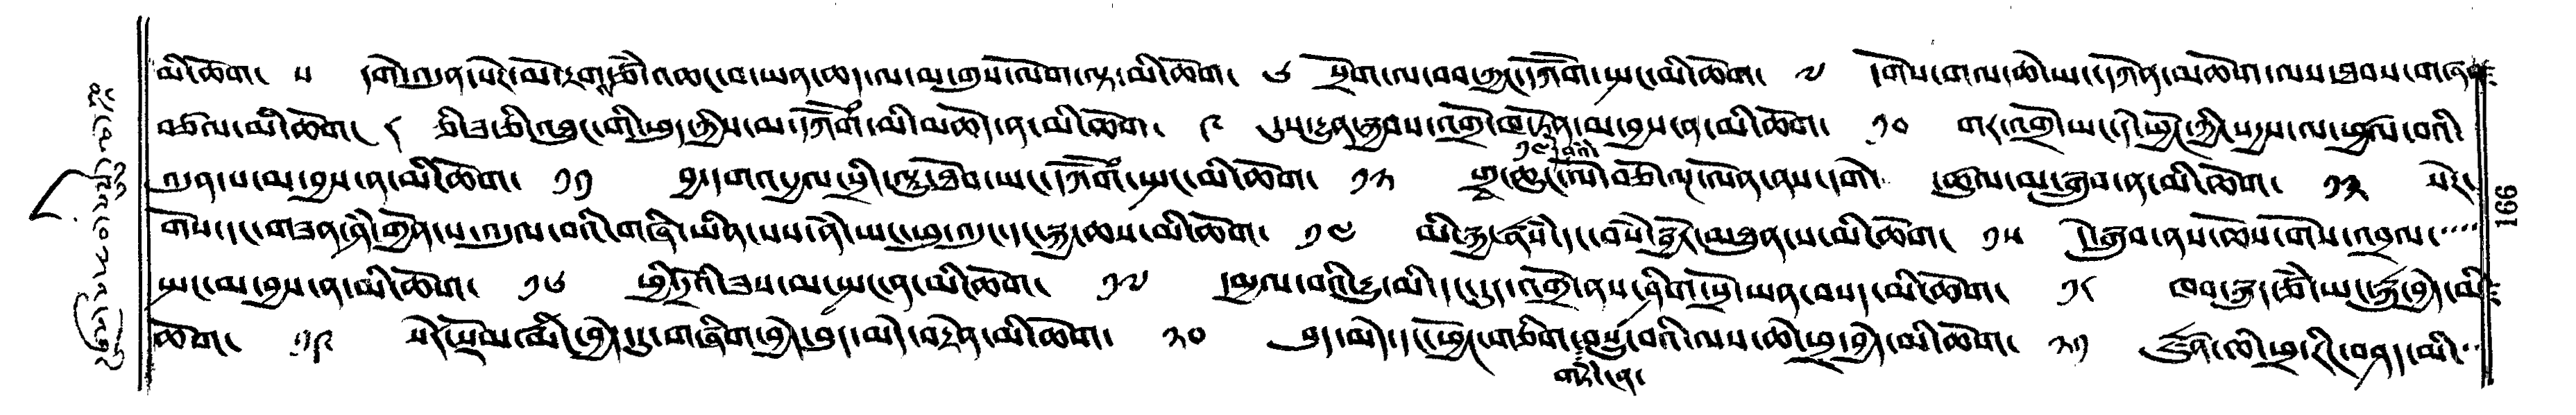མི་ཆོག ༥ དགེ་འདུན་སེར་མོ་རྟགས་ཙམ་འཆང་བ་ཡན་ཆད་ལ་མ་གུས་ལོག་ལྟ་མི་ཆོག ༦ སྲོག་ལ་བབ་ཀྱང་དཀོན་མཆོག་སྤང་མི་ཆོག ༧ དགོས་གལ་ཆེ་ཡང་དཀོན་མཆོག་ལས་ཐབས་གཞན་
བཙལ་མི་ཆོག ༨ ཅི་ཟ་ཅི་འཐུང་གི་ཕུད་ཀྱིས་བླ་མ་དཀོན་མཆོག་མ་མཆོད་ན་མི་ཆོག ༩ དུས་རྒྱུན་སྐྱབས་འགྲོ་ཁ་བཏོན་མ་བྱས་ན་མི་ཆོག ༡༠ གར་འགྲོ་ཡང་དེ་ཕྱོགས་ཀྱི་སངས་རྒྱས་ལ་ཕྱག་འཚལ་བའི་
འདུན་པ་མ་བྱས་ན་མི་ཆོག ༡༡ བྱ་དགའ་རྒྱལ་སྲིད་ལྟ་བུ་ཐོབ་ཀྱང་དཀོན་མཆོག་སྤང་མི་ཆོག ༡༢ གྲྭ་ཆུང་ལོ་བཅོ་ལྔ་ལོན་ནས་དགེ་ཚུལ་མ་སྒྲུབ་ན་མི་ཆོག ༡༣ སེར་
གོས་དང་གཟན་ཤམ་གྱོན་པ་འདུལ་བའི་གཞི་ཡིན་པས་ནམ་ཡང་ཕུ་འདུད་དང་སྐྱ་ཆས་མི་ཆོག༡༤ མི་སྐྱ་རྣམས་དང་བསམ་སྦྱོར་མཐུན་པ་མི་ཆོག ༡༥ དེ་བསྒྲུབས་ནས་ཆོས་གོས་འབྲལ་
སྤང་མ་བྱས་ན་མི་ཆོག ༡༦ ཕྱི་དྲོའི་ཟས་མ་སྤངས་ན་མི་ཆོག ༡༧ དམྱལ་བའི་རྒྱུ་མི་དང་དུད་འགྲོ་ནས་ཤིག་སྲོ་ཡན་གསོད་མི་ཆོག ༡༨ ཁབ་སྐུད་ཙམ་ཡང་རྐུ་བྱེད་མི་
ཆོག ༡༩ སོར་སྡོམ་རྨང་ནས་འཇྀག་བྱེད་བུད་མེད་བསྟེན་མི་ཆོག ༢༠ བུད་མེད་དང་ཕྱོགས་གཅིག་གཏམ་ངན་བསྡུ་བའི་ལས་ཆེ་ཕྲ་བྱེད་མི་ཆོག ༢༡ རྫུན་ཆེ་ཕྲ་རིགས་བཤད་མི་